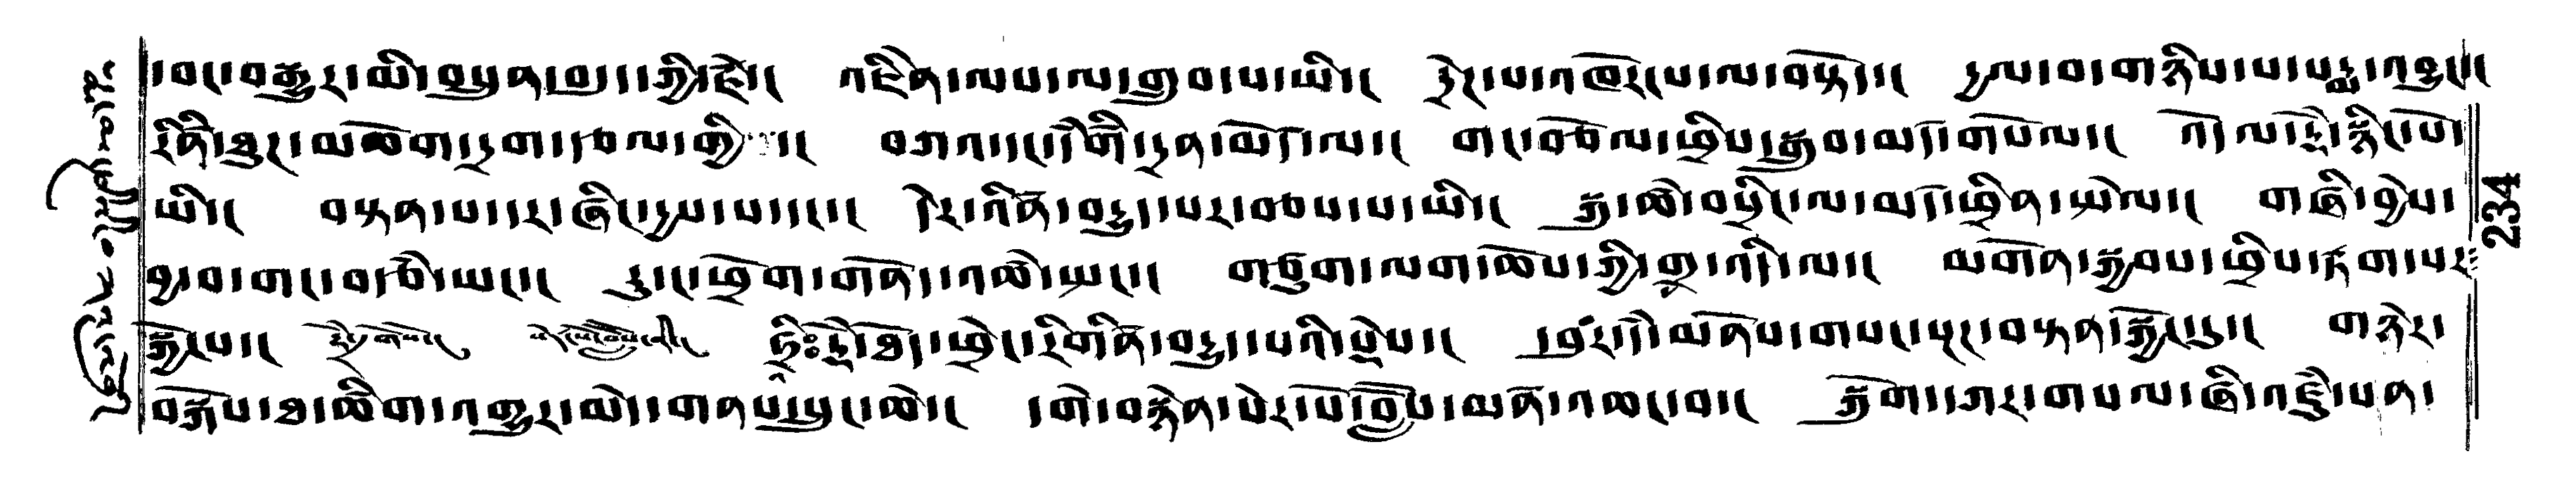།དབང་བསྒྱུར་མི་བསྲུན་བདུད་ཀྱི་རྗེ། །འཇིག་རྟེན་ལས་ལ་གྲུབ་པ་ཡི། །དྲེགས་པ་འཁོར་དང་བཅས་ལ་བསྟོད། །རྒྱལ་བ་གཉིས་པ་པདྨ་འབྱུང་། །
རིག་འཛིན་ཐུགས་མཆོག་དྲག་རྩལ་གྱི། །བཀའ་དང་དམ་ཚིག་དྲན་མཛོད་ལ། །གང་བཅོལ་ཕྲིན་ལས་སྒྲུབ་མཛད་གསོལ། །འོད་གསལ་རྡོ་རྗེ་སྙིང་པོ་
ཡི། །བསྟན་པ་དར་ཞིང་རྒྱས་པ་དང་། །དེ་འཛིན་བརྒྱུད་པར་བཅས་པ་ཡི། །སྐུ་ཚེ་སྲིངས་ལ་མཛད་ཕྲིན་སྤེལ། །གཞིས་བྱེས་
བྱ་བ་གང་བརྩམ་ཡང་། །རུ་ང་ཕྲག་དོག་གནོད་འཚེ་སྤོངས། །གཙུག་ལག་ཆོས་ཀྱི་གྲྭ་འདི་ལ། །མགོན་སྐྱབས་ཕྲིན་ལས་རྟག་པར་
སྐྱོངས། ། རྡོ་རྗེ་དྲག་པོས་སོ། །སེར་པོ་བློ་གྲོས་ནི། ཧྲཱིཿ རྡོ་རྗེ་ཐོད་ཕྲེང་རིག་འཛིན་བརྒྱུད་པའི་སྡེས། །དབང་བསྐུར་དམ་མནོས་གསང་སྔགས་བསྟན་སྐྱོང་དུ། །གཉེར་
བསྐོས་ཐ་ཚིག་འགྱུར་མེད་གནས་སྲུང་ཆེ། །དགེ་བསྙེན་སེར་པོ་བློ་གྲོས་མཚན་འཆང་བ། །སྐུ་མདོག་དཀར་གསལ་ཞི་འཛུམ་པཎ་